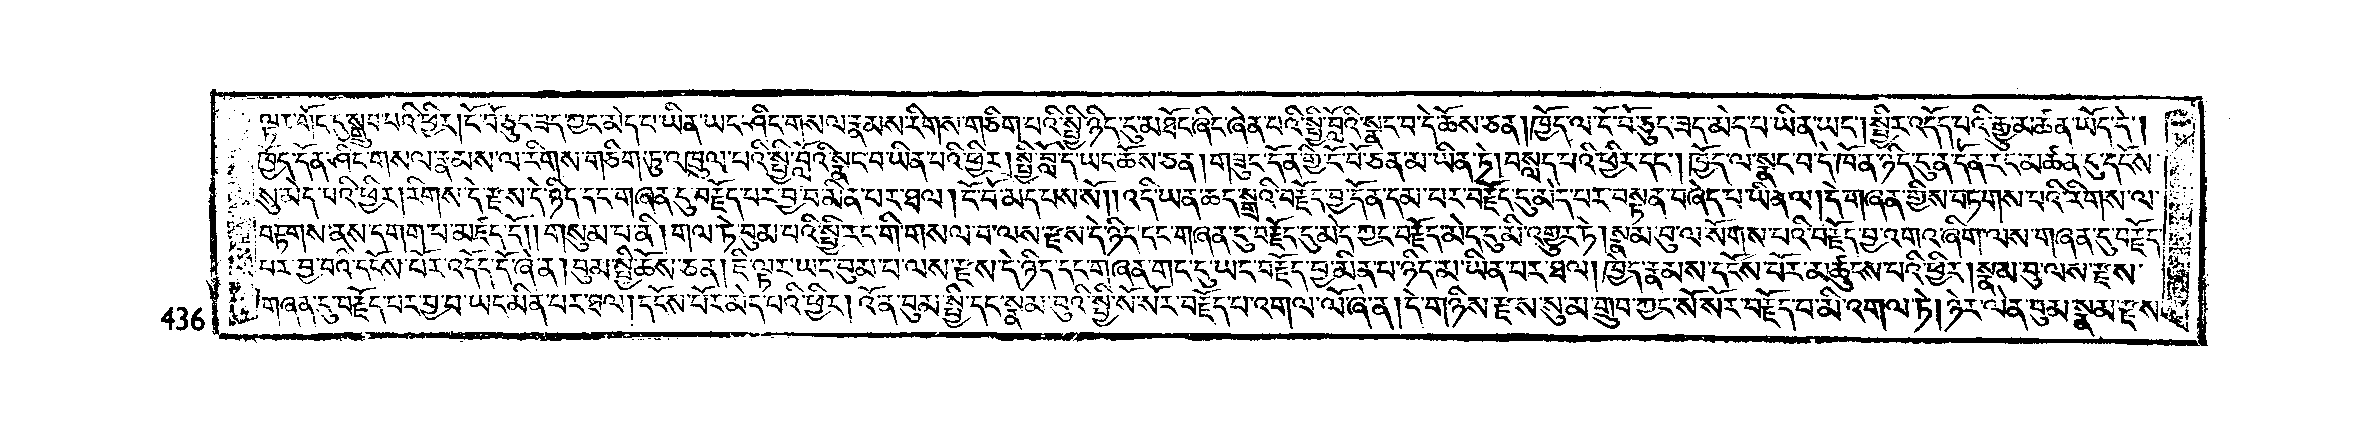ལྟར་གོང་དུ་སྒྲུབ་པའི་ཕྱིར། ངོ་བོ་ཅུང་ཟད་ཀྱང་མེད་པ་ཡིན་ཡང་ཤིང་གསལ་རྣམས་རིགས་གཅིག་པའི་སྤྱི་ཉིད་དུ་མཐོང་ཞིང་ཞེན་པའི་སྤྱི་བློའི་སྣང་བ་དེ་ཆོས་ཅན། ཁྱོད་ལ་ངོ་བོ་ཅུང་ཟད་མེད་པ་ཡིན་ཡང་། སྤྱིར་འདོད་པའི་རྒྱུ་མཚན་ཡོད་དེ།
ཁྱོད་དོན་ཤིང་གསལ་རྣམས་ལ་རིགས་གཅིག་ཏུ་འཁྲུལ་པའི་སྤྱི་བློའི་སྣང་བ་ཡིན་པའི་ཕྱིར། སྤྱི་བློ་དེ་ཡང་ཆོས་ཅན། གཟུང་དོན་གྱི་ངོ་བོ་ཅན་མ་ཡིན་ཏེ། བསླད་པའི་ཕྱིར་དང་། ཁྱོད་ལ་སྣང་བ་དེ་ཁོ་ན་ཉིད་དུ་ན་དོན་རང་མཚན་དུ་དངོས་
སུ་མེད་པའི་ཕྱིར། རིགས་དེ་རྫས་དེ་ཉིད་དང་གཞན་དུ་བརྗོད་པར་བྱ་བ་མིན་པར་ཐལ། ངོ་བོ་མེད་པས་སོ། །འདི་ཡན་ཆད་སྒྲའི་བརྗོད་བྱ་དོན་དམ་པར་བརྗོད་དུ་མེད་པར་བསྟན་བཞེད་པ་ཡིན་ལ། དེ་གཞན་གྱིས་བཏགས་པའི་རིགས་ལ་
བརྟགས་ནས་དགག་པ་མཛད་དོ། །གསུམ་པ་ནི། གལ་ཏེ་བུམ་པའི་སྤྱི་རང་གི་གསལ་བ་ལས་རྫས་དེ་ཉིད་དང་གཞན་དུ་བརྗོད་དུ་མེད་ཀྱང་བརྗོད་མེད་དུ་མི་འགྱུར་ཏེ། སྣམ་བུ་ལ་སོགས་པའི་བརྗོད་བྱ་འགའ་ཞིག་ལས་གཞན་དུ་བརྗོད་
པར་བྱ་བའི་དངོས་པོར་འདོད་དོ་ཞེ་ན། བུམ་སྤྱི་ཆོས་ཅན། ཇི་ལྟར་ཡང་བུམ་པ་ལས་རྫས་དེ་ཉིད་དང་གཞན་གང་དུ་ཡང་བརྗོད་བྱ་མིན་པ་ཉིད་མ་ཡིན་པར་ཐལ། ཁྱེད་རྣམས་དངོས་པོར་མཚུངས་པའི་ཕྱིར། སྣམ་བུ་ལས་རྫས་
གཞན་དུ་བརྗོད་པར་བྱ་བ་ཡང་མིན་པར་ཐལ། དངོས་པོར་མེད་པའི་ཕྱིར། འོ་ན་བུམ་སྤྱི་དང་སྣམ་བུའི་སྤྱི་སོ་སོར་བརྗོད་པ་འགལ་ལོ་ཞེ་ན། དེ་གཉིས་རྫས་སུ་མ་གྲུབ་ཀྱང་སོ་སོར་བརྗོད་བ་མི་འགལ་ཏེ། ཉེར་ལེན་བུམ་སྣམ་རྫས་